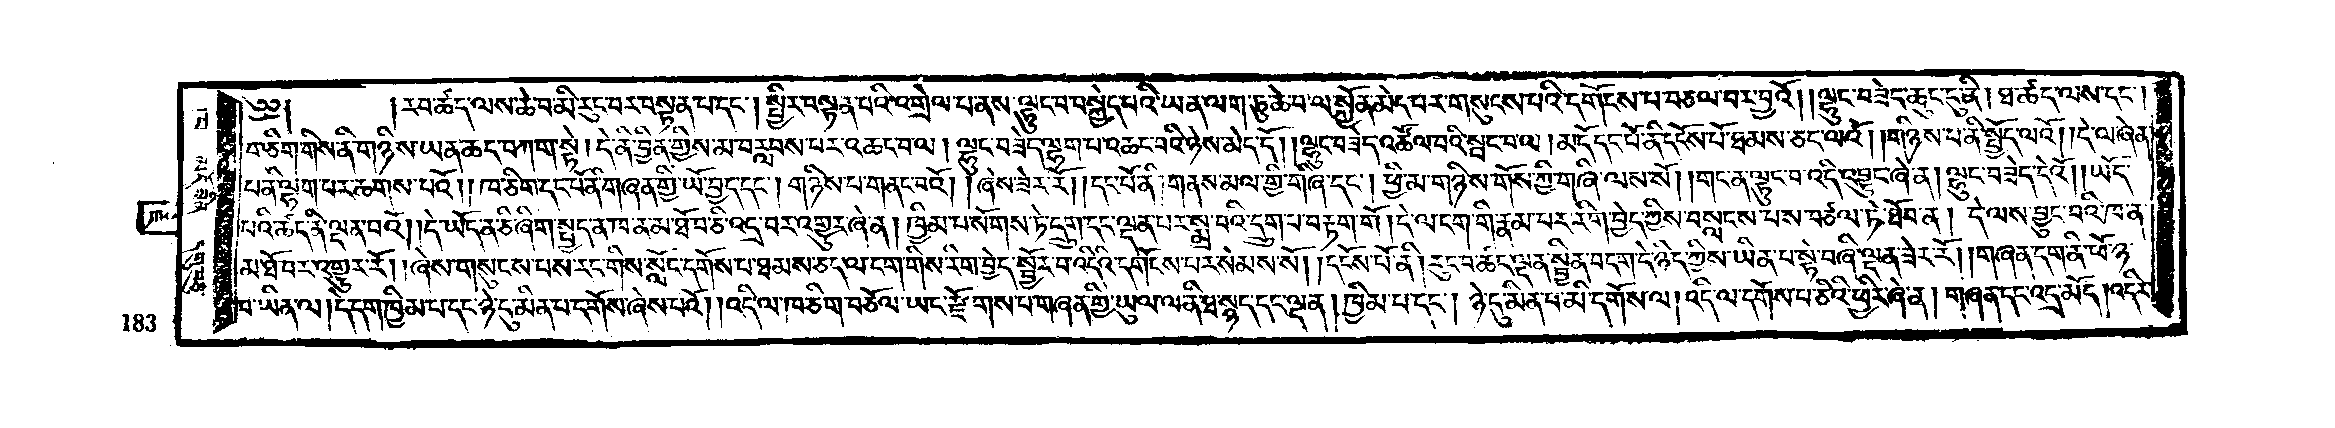༄༅། །རབ་ཚད་ལས་ཆེ་བ་མི་རུང་བར་བསྟན་པ་དང་། སྤྱིར་བསྟན་པའི་འགྲེལ་པ་ནས་ལྟུང་བ་བསྐྱེད་པའི་ཡན་ལག་ཏུ་ཆེ་བ་ལ་སྐྱོན་མེད་པར་གསུངས་པའི་དགོངས་པ་བཅལ་བར་བྱའོ། །ལྷུང་བཟེད་ཆུང་དུ་ནི། ཐ་ཚད་ལས་དང་།
གཅིག་གིས་ནི་གཉིས་ཡན་ཆད་བཀག་སྟེ། དེ་ནི་བྱིན་གྱིས་མ་བརླབས་པར་འཆང་བ་ལ། ལྷུང་བཟེད་ལྷག་པ་འཆང་བའི་ཉེས་མེད་དོ། །ལྷུང་བཟེད་འཚོལ་བའི་སྤང་བ་ལ། མདོ་དང་པོ་ནི་དངོས་པོ་ཐམས་ཅད་ལའོ། །གཉིས་པ་ནི་སྤྱོད་ལའོ། །དེ་ལ་ཞེ་ན་
པ་ནི་ལྷག་པར་ཆགས་པའོ། །ཁ་ཅིག་དང་པོ་ནི་གཞན་གྱི་ཡོ་བྱད་དང་། གཉིས་པ་གནང་བའོ། །ཞེས་ཟེར་རོ། །དང་པོ་ནི་གནས་མལ་གྱི་གཞི་དང་། ཕྱི་མ་གཉིས་གོས་ཀྱི་གཞི་ལས་སོ། །གང་ན་ལྟུང་བ་འདི་འབྱུང་ཞེ་ན། ལྷུང་བཟེད་དེའོ། །ཡོད་
པའི་ཚད་ནི་ལྡན་པའོ། །དེ་ཡོད་ན་ཅི་ཞིག་སྤྱད་ན་ཁ་ན་མ་ཐོ་བ་ཅི་འདྲ་བར་འགྱུར་ཞེ་ན། ཁྱིམ་པ་སོགས་ཏེ་དྲུག་དང་ལྡན་པར་སྨྲ་བའི་དྲུག་པ་བརྟག་གོ །དེ་ལ་ངག་གི་རྣམ་པར་རིག་བྱེད་ཀྱིས་བསླངས་པས་བཙལ་ཏེ་ཐོབ་ན། དེ་ལས་བྱུང་བའི་ཁ་ན་
མ་ཐོ་བར་འགྱུར་རོ། །ཞེས་གསུངས་པས་རང་གིས་སློང་དགོས་པ་ཐམས་ཅད་ལ་ངག་གིས་རིག་བྱེད་སྦྱོར་བ་འདིའི་དགོངས་པར་སེམས་སོ། །དངོས་པོ་ནི། རུང་བ་ཚད་ལྡན་སྦྱིན་བདག་དེ་ཉིད་ཀྱིས་ཡིན་པ་སྟེ་བཞི་ལྡན་ཟེར་རོ། །གཞན་དག་ནི་ཕོ་ཉ་
བ་ཡིན་ལ། དེ་དག་ཁྱིམ་པ་དང་ཉེ་དུ་མིན་པ་དགོས་ཞེས་པའོ། །འདི་ལ་ཁ་ཅིག་བཅོལ་ཡང་རྫོགས་པ་གཞན་གྱི་ཡུལ་ལ་ནི་ཐ་སྙད་དང་ལྡན། ཁྱིམ་པ་དང་། ཉེ་དུ་མིན་པ་མི་དགོས་ལ། འདི་ལ་དགོས་པ་ཅིའི་ཕྱིར་ཞེ་ན། གཞན་དང་འདྲ་མོད། འདིར་